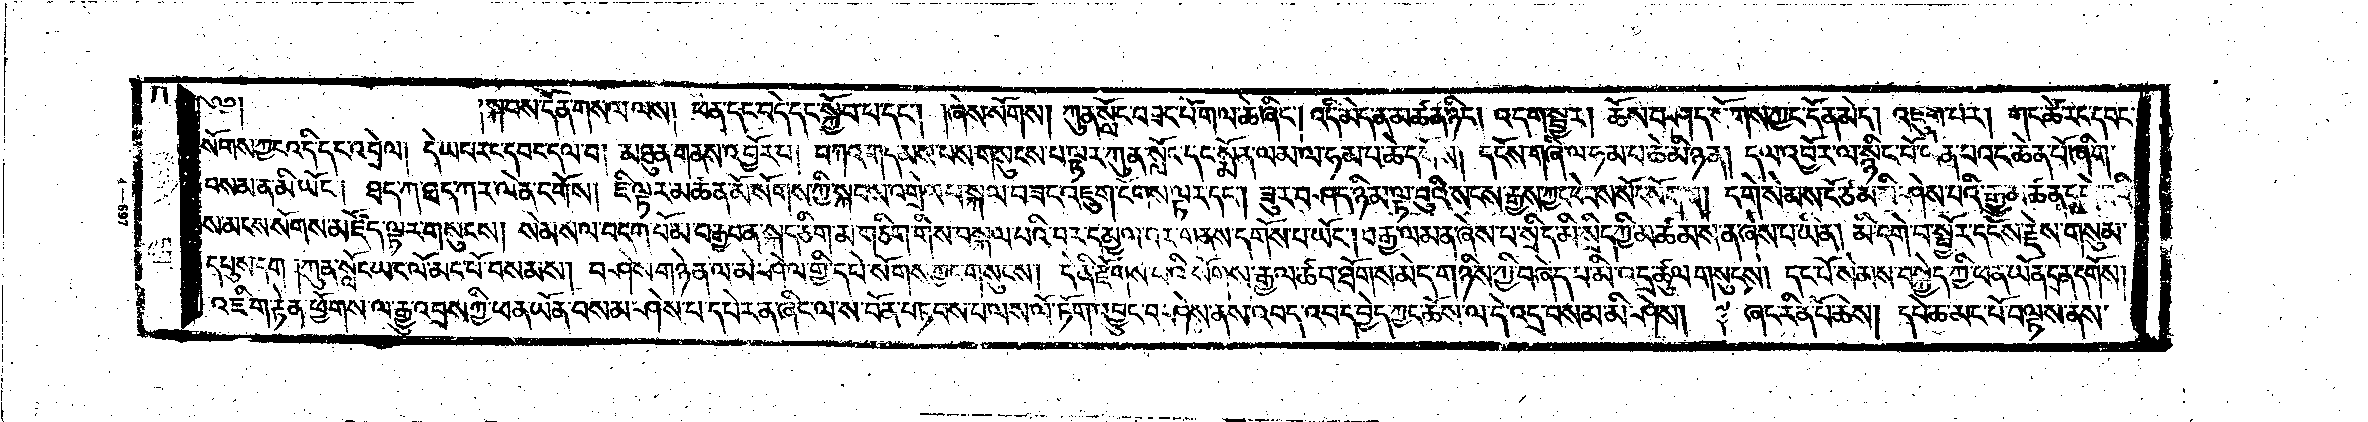༄༅། །སྐབས་དོན་གསལ་ལས། ཕན་དང་བདེ་དང་སྐྱོབ་པ་དང་། །ཞེས་སོགས། ཀུན་སློང་བཟང་པོ་གལ་ཆེ་ཞིང་། འདི་མེད་ན་མཚན་ཉིད། འདག་སྦྱར། ཆོས་བཤད་སོགས་ཀྱང་དོན་མེད། འཇུག་པར། གང་ཚེ་རང་དབང་
སོགས་ཀྱང་འདི་དང་འབྲེལ། དེ་ཡང་རང་དབང་དལ་བ། མཐུན་གནས་འབྱོར་བ། བཀའ་གདམས་པས་གསུངས་པ་ལྟར་ཀུན་སློང་དང་སྨོན་ལམ་ལ་ཧམ་པ་ཆེ་དགོས། དངོས་གཞི་ལ་ཧམ་པ་ཆེ་མི་ཉན། དལ་འབྱོར་ལ་སྙིང་པོ་ལེན་པའང་ཆེན་པོ་ཞིག་
བསམ་ན་མི་ཡོང་། ཐད་ཀ་ཐད་ཀར་ལེན་དགོས། ཇི་ལྟར་མཚན་མོ་སོགས་ཀྱི་སྐབས་འགྲེལ་པ་སྐལ་བཟང་འཇུག་ངོགས་ལྟར་དང་། ཟུར་བཤད་ཉི་མ་ལྟ་བུའི་སངས་རྒྱས་ཀྱང་ཕེབས་སོང་སོགས། དགེ་སེམས་ངོ་ཙམ་མི་ཤེས་པའི་རྒྱུ་མཚན་དགེ་བའི་
ས་མངས་སོགས་མཛོད་ལྟར་གསུངས། སེམས་ལ་བདག་པོ་མ་བརྒྱབ་ན་སྐད་ཅིག་མ་གཅིག་གིས་བསྐལ་བའི་བར་དམྱལ་བར་གནས་དགོས་པ་ཡོང་། བརྒྱ་ལ་མན་ཞེས་པ་སྲིད་མི་སྲིད་ཀྱི་མཚམས་ན་ཞེས་པ་ཡིན། མི་དགེ་བ་སྦྱོར་དངོས་རྗེས་གསུམ་
དཔུས་དག །ཀུན་སློང་ཡང་ལོ་མང་པོ་བསམས། བཤེས་གཉེན་ལ་མེ་ཤེལ་གྱི་དཔེ་སོགས་ཀྱང་གསུངས། དེ་ནི་རྫོགས་པའི་སོགས་རྒྱལ་ཚབ་ཐོགས་མེད་གཉིས་ཀྱི་བཞེད་པ་མི་འདྲ་ཚུལ་གསུངས། དང་པོ་སེམས་བསྐྱེད་ཀྱི་ཕན་ཡོན་དྲན་དགོས།
འཇིག་རྟེན་ཕྱོགས་ལ་རྒྱུ་འབྲས་ཀྱི་ཕན་ཡོན་བསམ་ཤེས་པ་དཔེར་ན་ཞིང་ལ་ས་བོན་བཏབས་པ་ལས་ལོ་རྟོག་འབྱུང་བ་ཤེས་ནས་འབད་འབད་བྱེད་ཀྱང་ཆོས་ལ་དེ་འདྲ་བསམ་མི་ཤེས། ༈ ཞང་རིན་པོ་ཆེས། དཔེ་ཆ་མང་པོ་བལྟས་ནས་